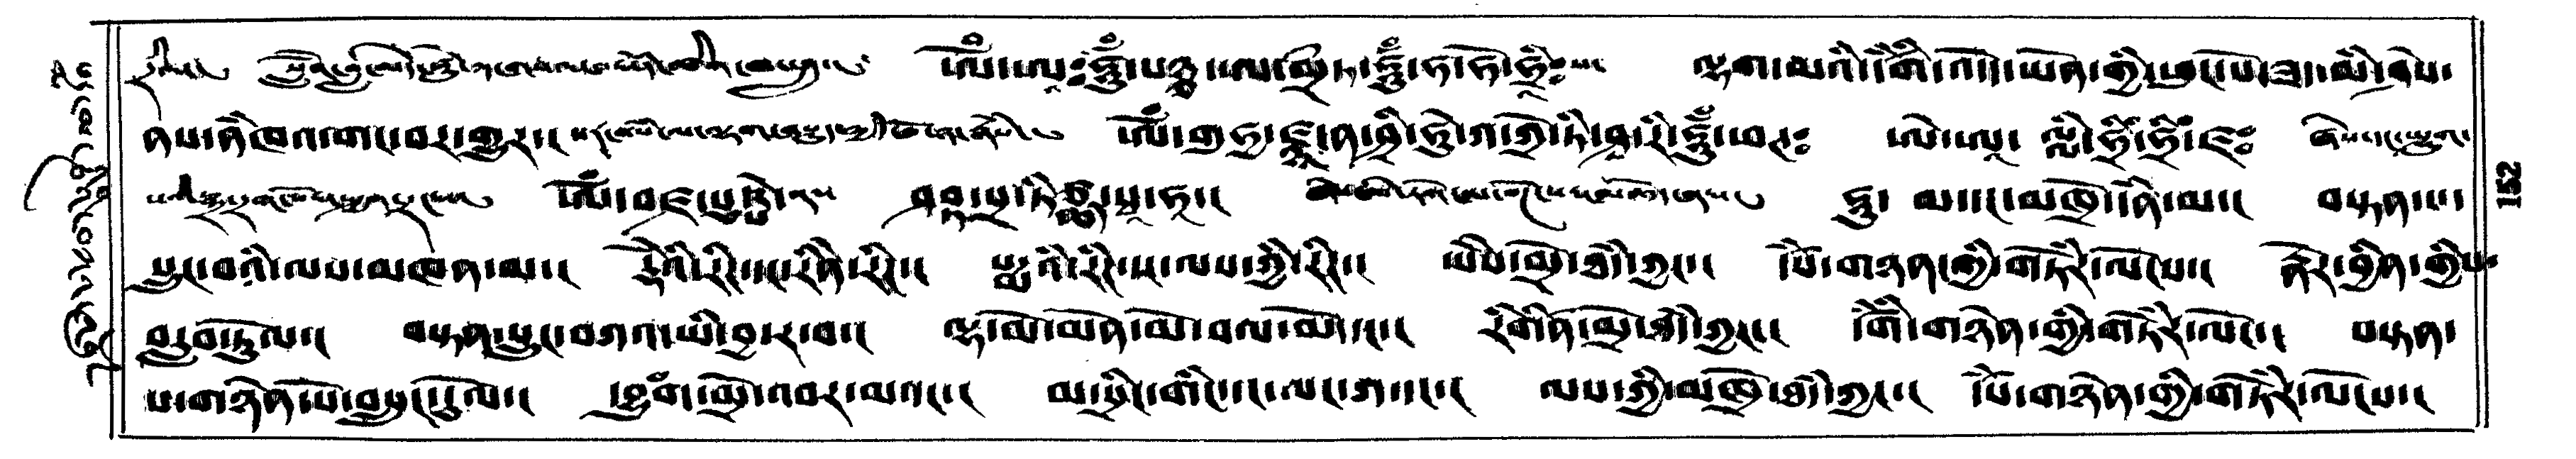དྲིལ། སློབ་དཔོན་བླ་མེད་ཧེ་རུ་ཀར་གསལ་བས་དམ་ཚིག་གི་ཁ་ཕྲུས། ཨོཾ་ཨཱཿཧཱུྃ་པཉྩ་ཨ་མྲྀ་ཏ་ཧཱུྃ་ཧ་ཧོ་ཧྲཱིཿ ས། ལྷག་མའི་དམ་ཚིག་འདོད་ཡོན་གྱི་ཕུང་པོ་ཟད་མི་ཤེས་
པ་ནམ་མཁའ་གང་བར་གྱུར་བར་བསམ་ལ་ལྷག་བསྡུས་ཀྱི་ཁོ་ཉ་རྣམས།ཨོཾ་གུཧྱ་ཛྙཱ་ན་ཤྲཱི་ཧེ་རུ་ཀ་ཀྲོ་ཏི་ཤྭ་རི་ཧཱུྃ་ཕཊཿ ཨེ་ཨཱ་ལླི་ཧྲིཾ་ཧྲིཾ་ཛཿ ཞེས་དང་སྤྲུགས་
པའི་སྒྲ་དྲག་པོས་སྤྱན་དྲངས། ཨོཾ་བཛྲ་པུཥྤེ་ནས། ཤབྟ་པྲ་ཏི་ཙྪ་སྭ་ཧཱ། ཞེས་མེ་ཏོག་ལ་སོགས་པས་མཆོད་ནས། ཧཱུྃ། མ་དང་མཁའ་འགྲོ་དམ་ཆེན་མ། །བསྟན་པ་
སྲུང་བའི་ལས་མཁན་མ། །རྡོ་རྗེའི་རིགས་དང་རིན་ཆེན་རིགས། །པདྨའི་རིགས་དང་ལས་ཀྱི་རིགས། །ཡེ་ཤེས་མཁའ་གྲོ་ཐམས་ཅད་ཀྱང་། །དམ་ཚིག་གཉན་གྱི་གཏོར་མ་ལོངས། །རྣལ་འབྱོར་བྱིན་གྱིས་
བརླབ་ཏུ་གསོལ། །བསྟན་སྲུང་བཀའ་ཡི་བྱ་ར་བ། །ལྷ་མོ་མོན་མོ་བལ་མོ་དང་། །རིག་འཛིན་མཁའ་འགྲོ་ཐམས་ཅད་ཀྱང་། །དམ་ཚིག་གཉེན་གྱི་གཏོར་མ་ལོང་། །བསྟན་
པ་གཉེན་པོ་བསྲུང་དུ་གསོལ། །དབང་ཕྱུག་མཁའ་འགྲོ་འབར་མདང་། མ་སྲིང་གིང་དང་ལང་ཀ་དང་། །ལས་ཀྱི་མཁའ་འགྲོ་ཐམས་ཅད་ཀྱང་། །དམ་ཚིག་གཉེན་གྱི་གཏོར་མ་ལོངས།